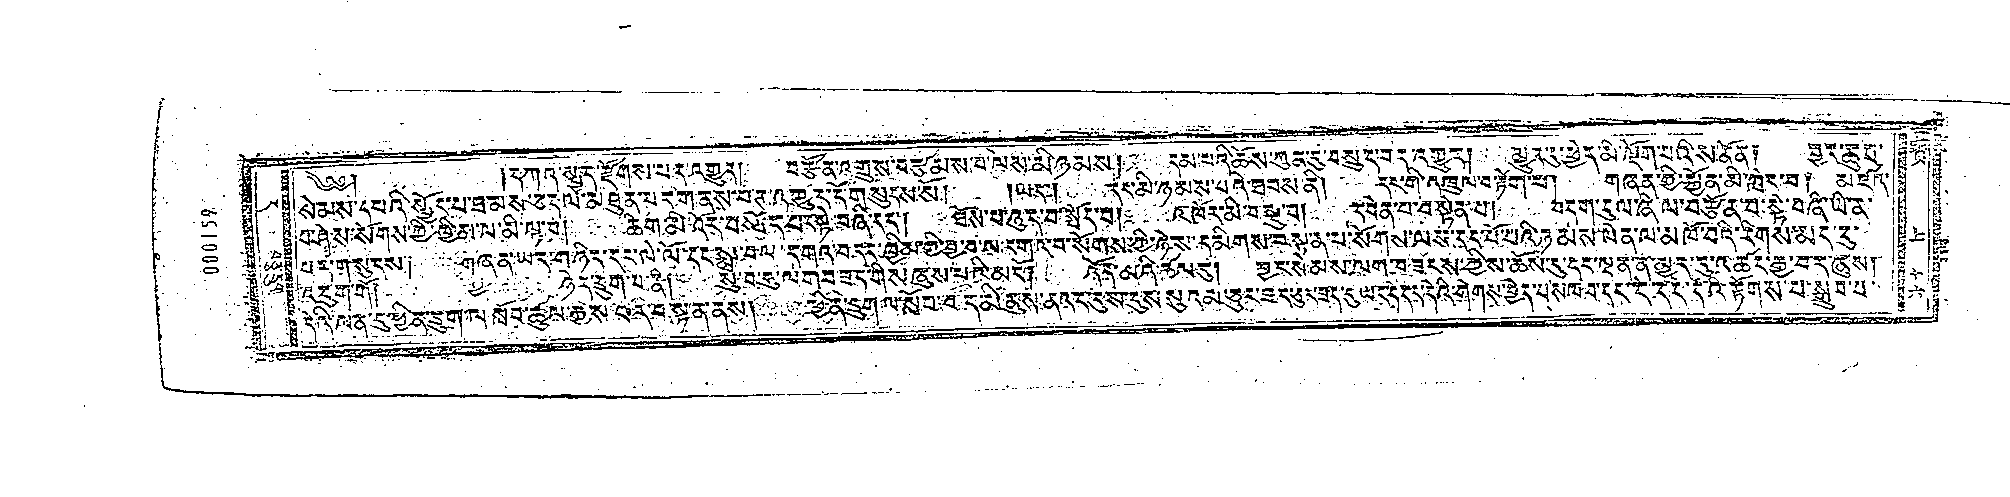༄༅། །དཀའ་སྤྱད་རྫོགས་པར་འགྱུར། བརྩོན་འགྲུས་བརྩམས་པ་ལས་མི་ཉམས། དམ་པའི་ཆོས་ཀུན་དུ་བསྲུང་བར་འགྱུར། མྱུར་དུ་ཕྱེར་མི་ལྡོག་པའི་ས་ནོན། བྱང་ཆུབ་
སེམས་དཔའི་སྤྱོད་པ་ཐམས་ཅད་ལ་མཐུན་པར་གནས་པར་འགྱུར་རོ་གསུངས་སོ། །ཡང་། དེང་མི་ཉམས་པའི་ཐབས་ནི། རང་གི་འཁྲུལ་བ་རྟོག་པ། གཞན་གྱི་སྐྱོན་མི་གླེང་བ། མཛའ་
བ་ཤེས་སོགས་ཀྱི་ཁྱིམ་ལ་མི་ལྟ་བ། ཚིག་མི་འོང་བས་སྤོང་པར་སྟེ་བཞི་དང་། ཐོས་པ་ཉུང་བ་སྤོང་བ། འཁོར་མི་བསྡུ་བ། དབེན་པ་བསྟེན་པ། བདག་དུལ་ཞི་ལ་བརྩོན་པ་སྟེ་བཞི་ཡིན་
པར་གསུངས། གཞན་ཡང་གཉིད་དང་ལེ་ལོ་དང་སྨྲ་བ་ལ་དགའ་བ་དང་ཁྱིམ་གྱི་བྱ་བ་ལ་དགའ་བ་སོགས་ཀྱི་ཉེས་དམིགས་བསྟན་པ་སོགས་ལས་དང་པོ་པའི་ཉམས་ལེན་ལ་མཁོ་བའི་རིགས་མང་དུ་
འདུག་གོ། ༧་ཉེར་དྲུག་པ་ནི། སུ་བ་ཧུ་ལག་བཟང་གིས་ཞུས་པའི་མདོ། འོད་མའི་ཚལ་དུ། བྱང་སེམས་ལག་བཟངས་ཀྱིས་ཆོས་དུ་དང་ལྡན་ན་མྱུར་དུ་འཚང་རྒྱ་བར་ཞུས།
དེའི་ལན་དུ་ཕྱིན་དྲུག་ལ་སློབ་ཚུལ་རྒྱས་བར་བསྟན་ནས། ཕྱིན་དྲུག་ལ་སློབ་བར་མི་ནུས་ནའང་དུས་དུས་སུའམ་ཅུང་ཟད་ཅུང་ཟད་དུ་ཡང་དེ་དང་དེའི་གེགས་བྱེད་པ་སེལ་བ་དང་དེ་དད་དེའི་རྟོགས་པ་སྒྲུབ་པ་